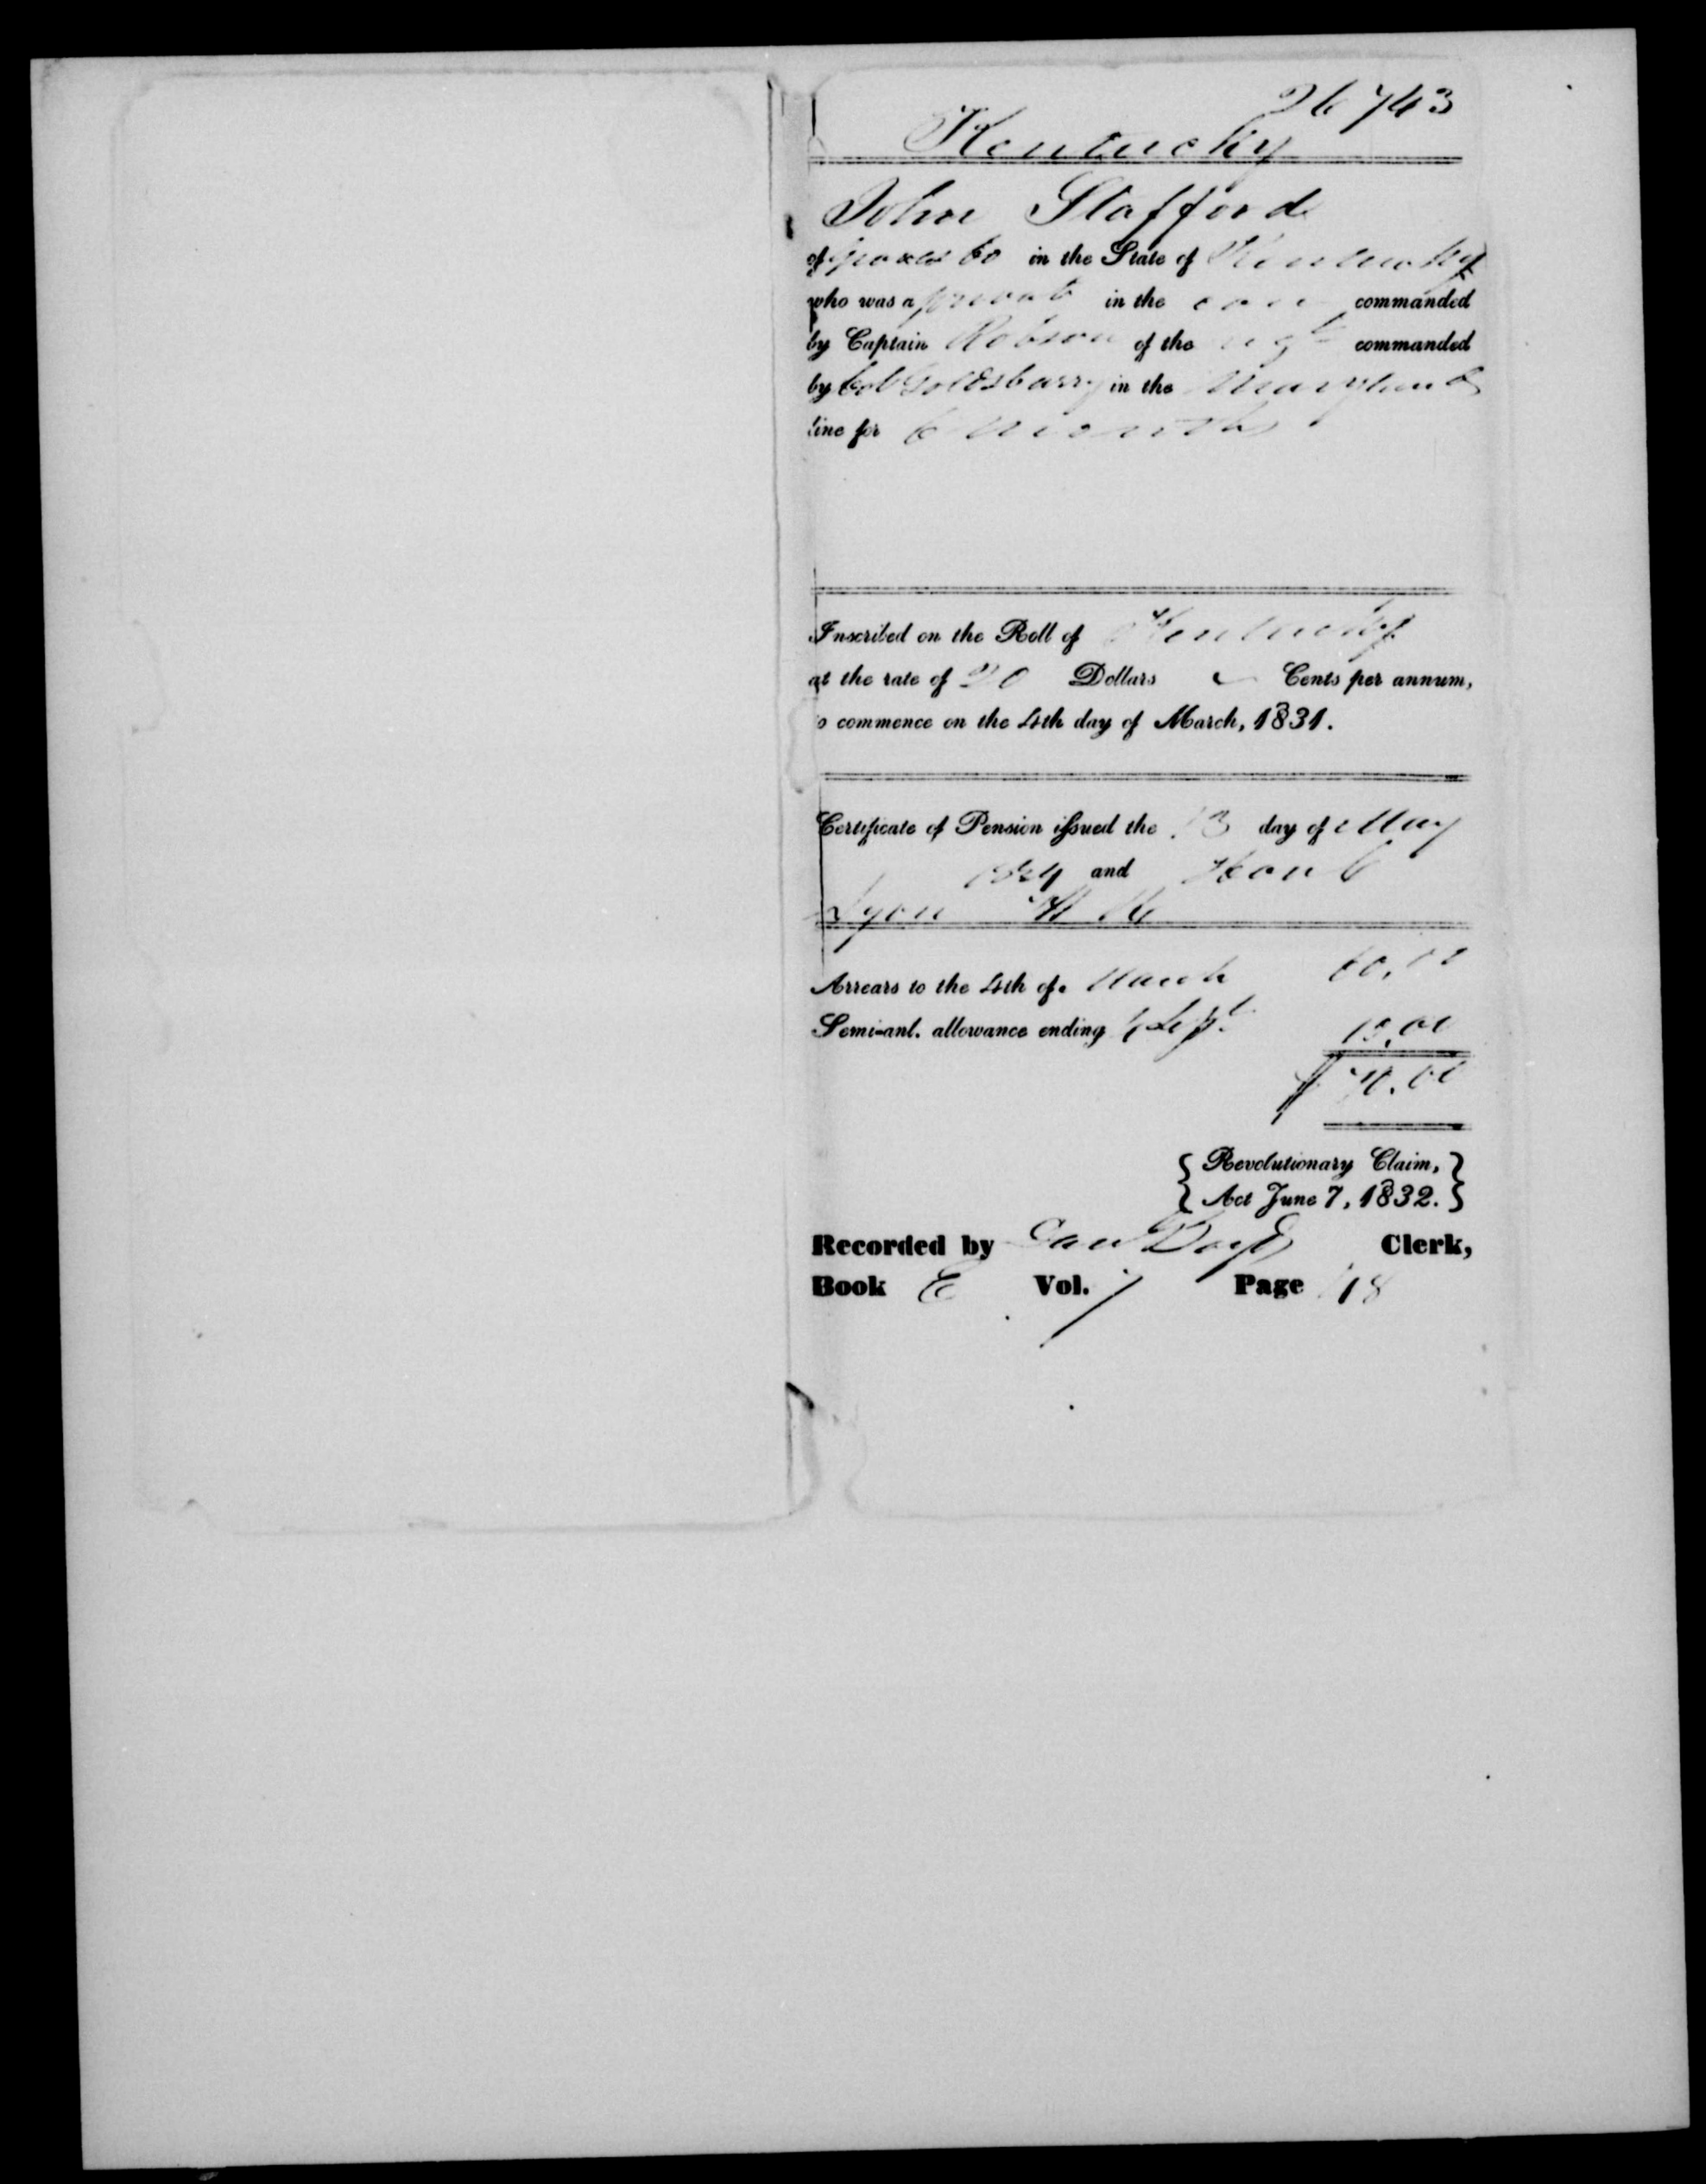26743
Kentucky
John Stafford of Graves Co. in the State of Kentucky who was a private in the [unreadable] commanded by Captain Robson of the regt commanded by Col Goldsbarry in the Maryland line for 6 months
Inscribed on the Roll of Kentucky at the rate of 20 Dollars -- Cents per annum, to commence on the 4th day of March, 1831
Certificate of Pension issued the 13 day of May 1854 and Hon 6 [undecipherable] H R
Arrears to the 4th of March 60.00
Semi-anl. allowance ending 4 Sept. 10.00
$70.00
Revolutionary Claim, Act June 7, 1832
Recorded by Danl Boyd, Clerd, Book E Vol 7 Page 48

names: Danl Boyd; [BLANK] Goldsbary; [BLANK] Robson; John Stafford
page: 4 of 61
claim: widow's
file: W. 11554, for John Stafford, Maryland